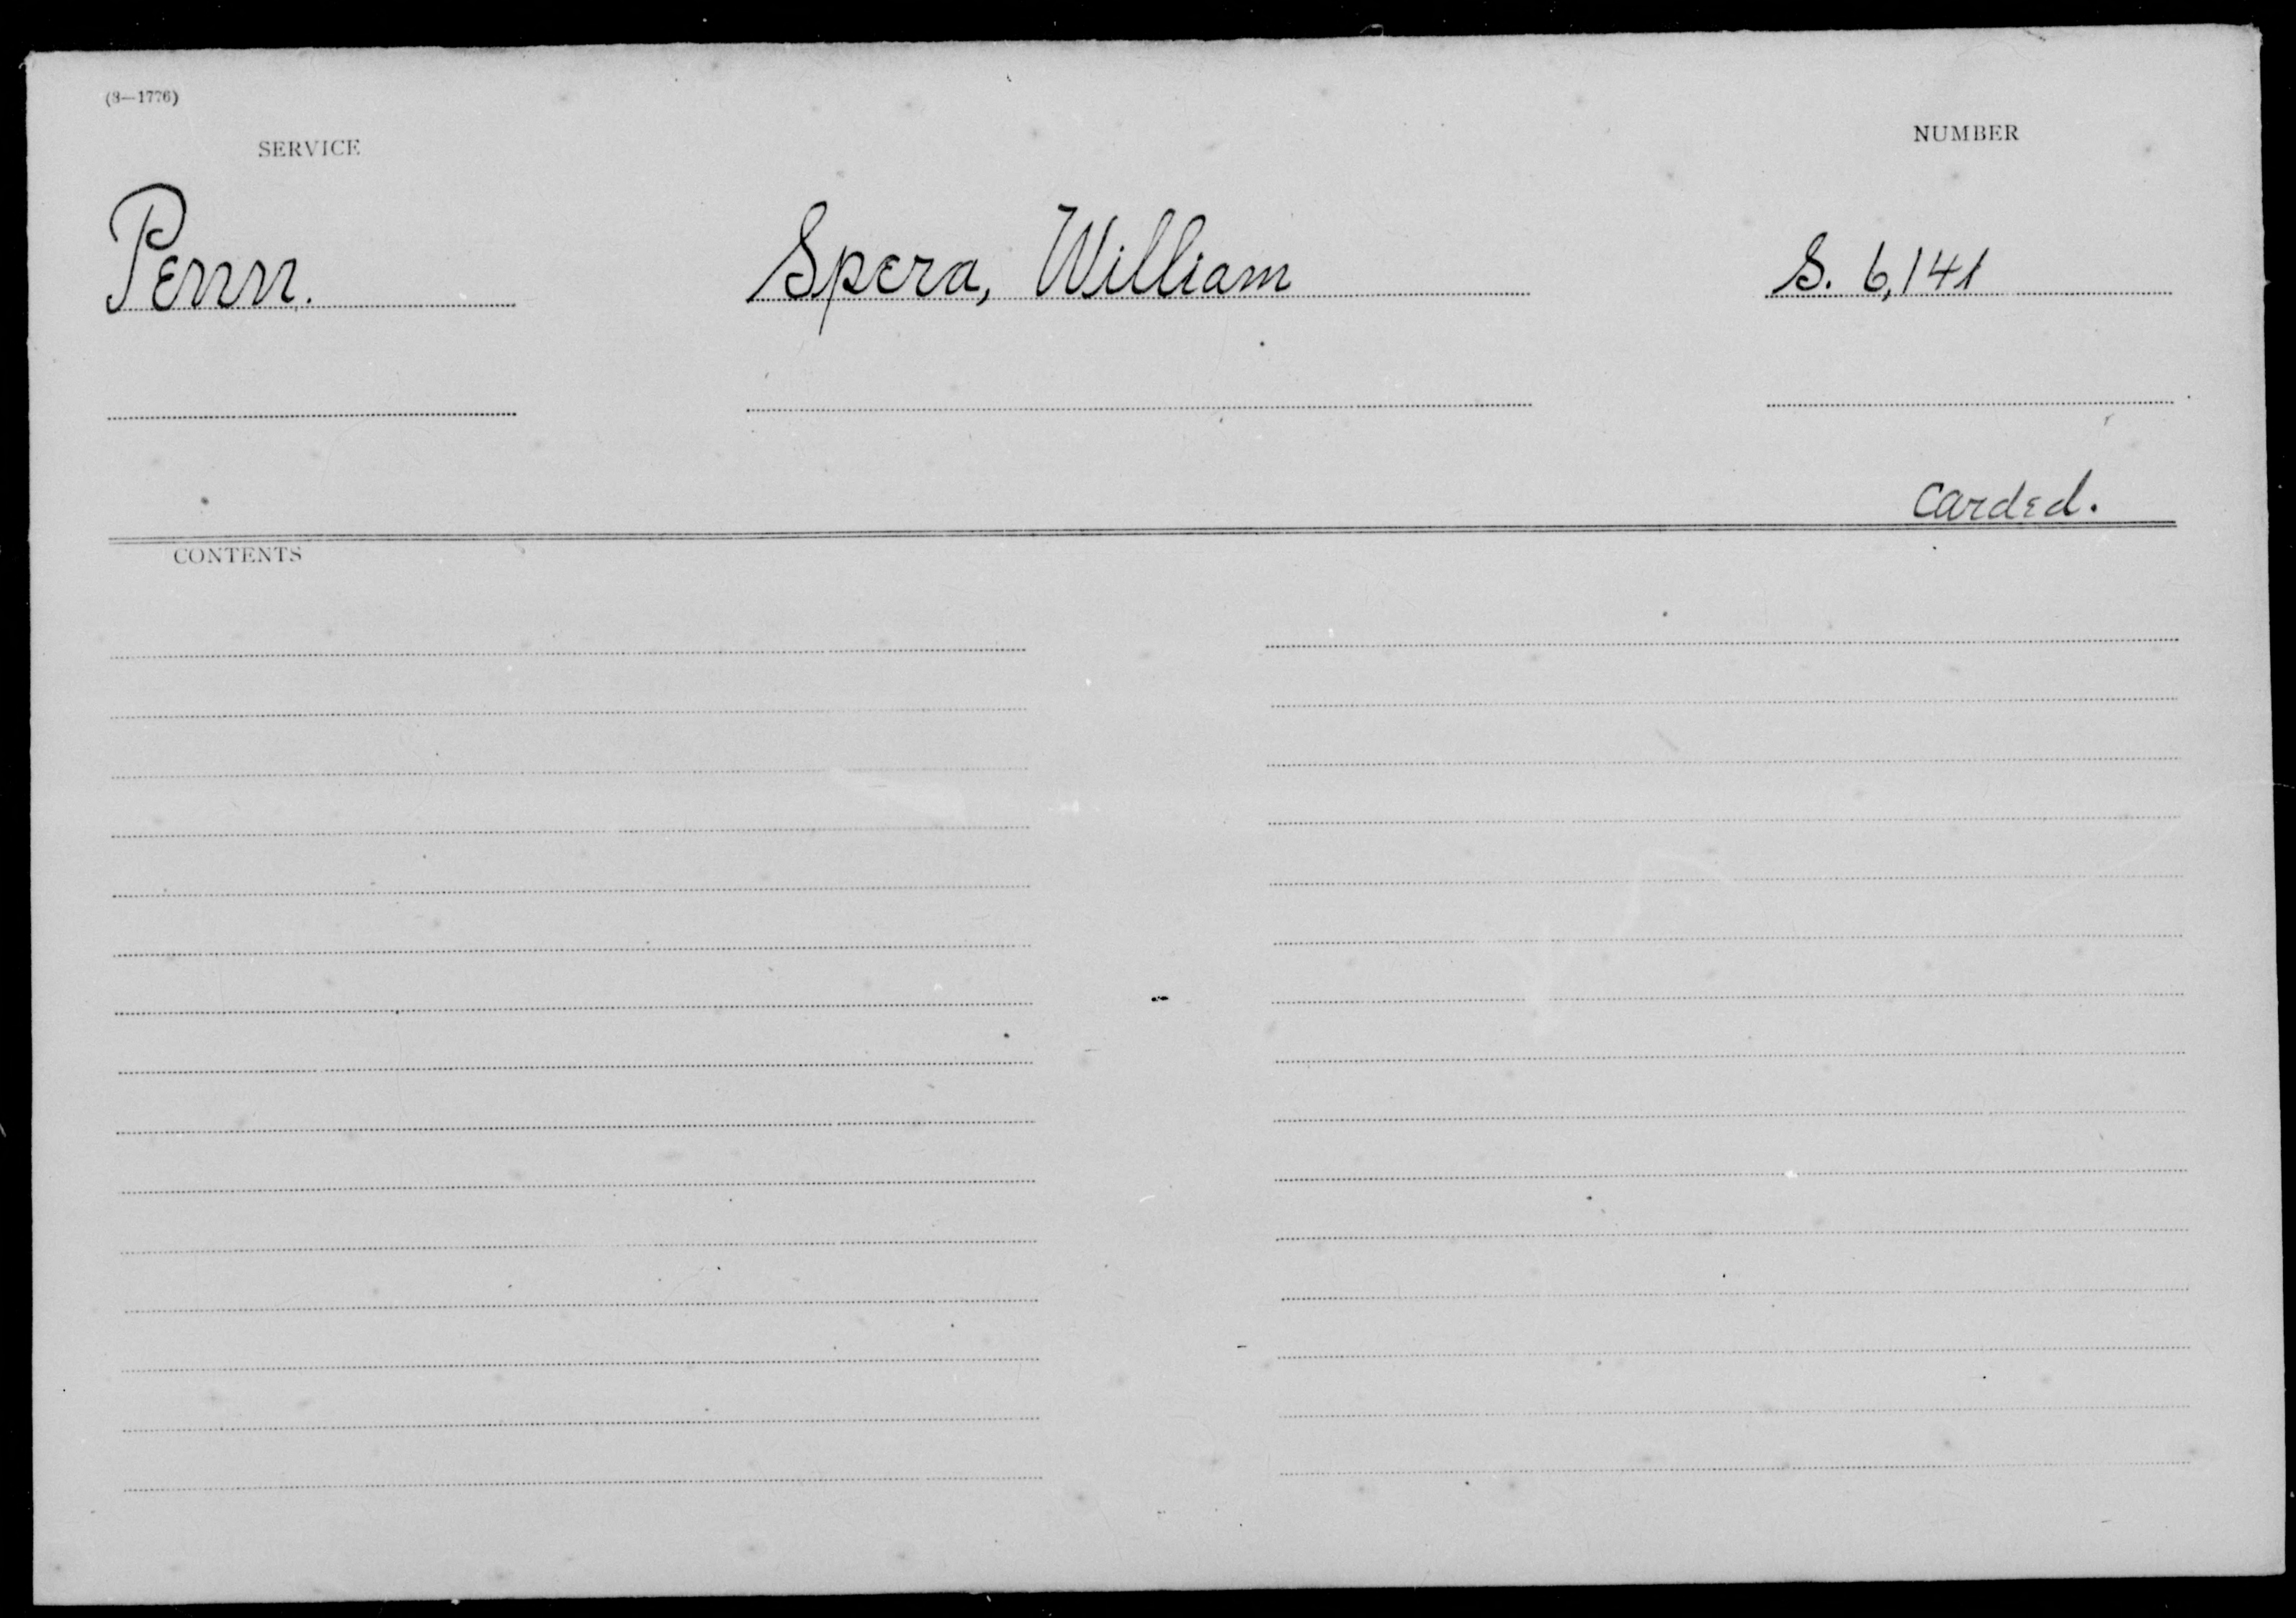(3-1776)
SERVICE NUMBER
PENN.
SPERA, WILLIAM
S. 6,141
carded.
CONTENTS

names: [BLANK]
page: 1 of 17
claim: survivor's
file: S. 6,141, for William Spera, Pennsylvania